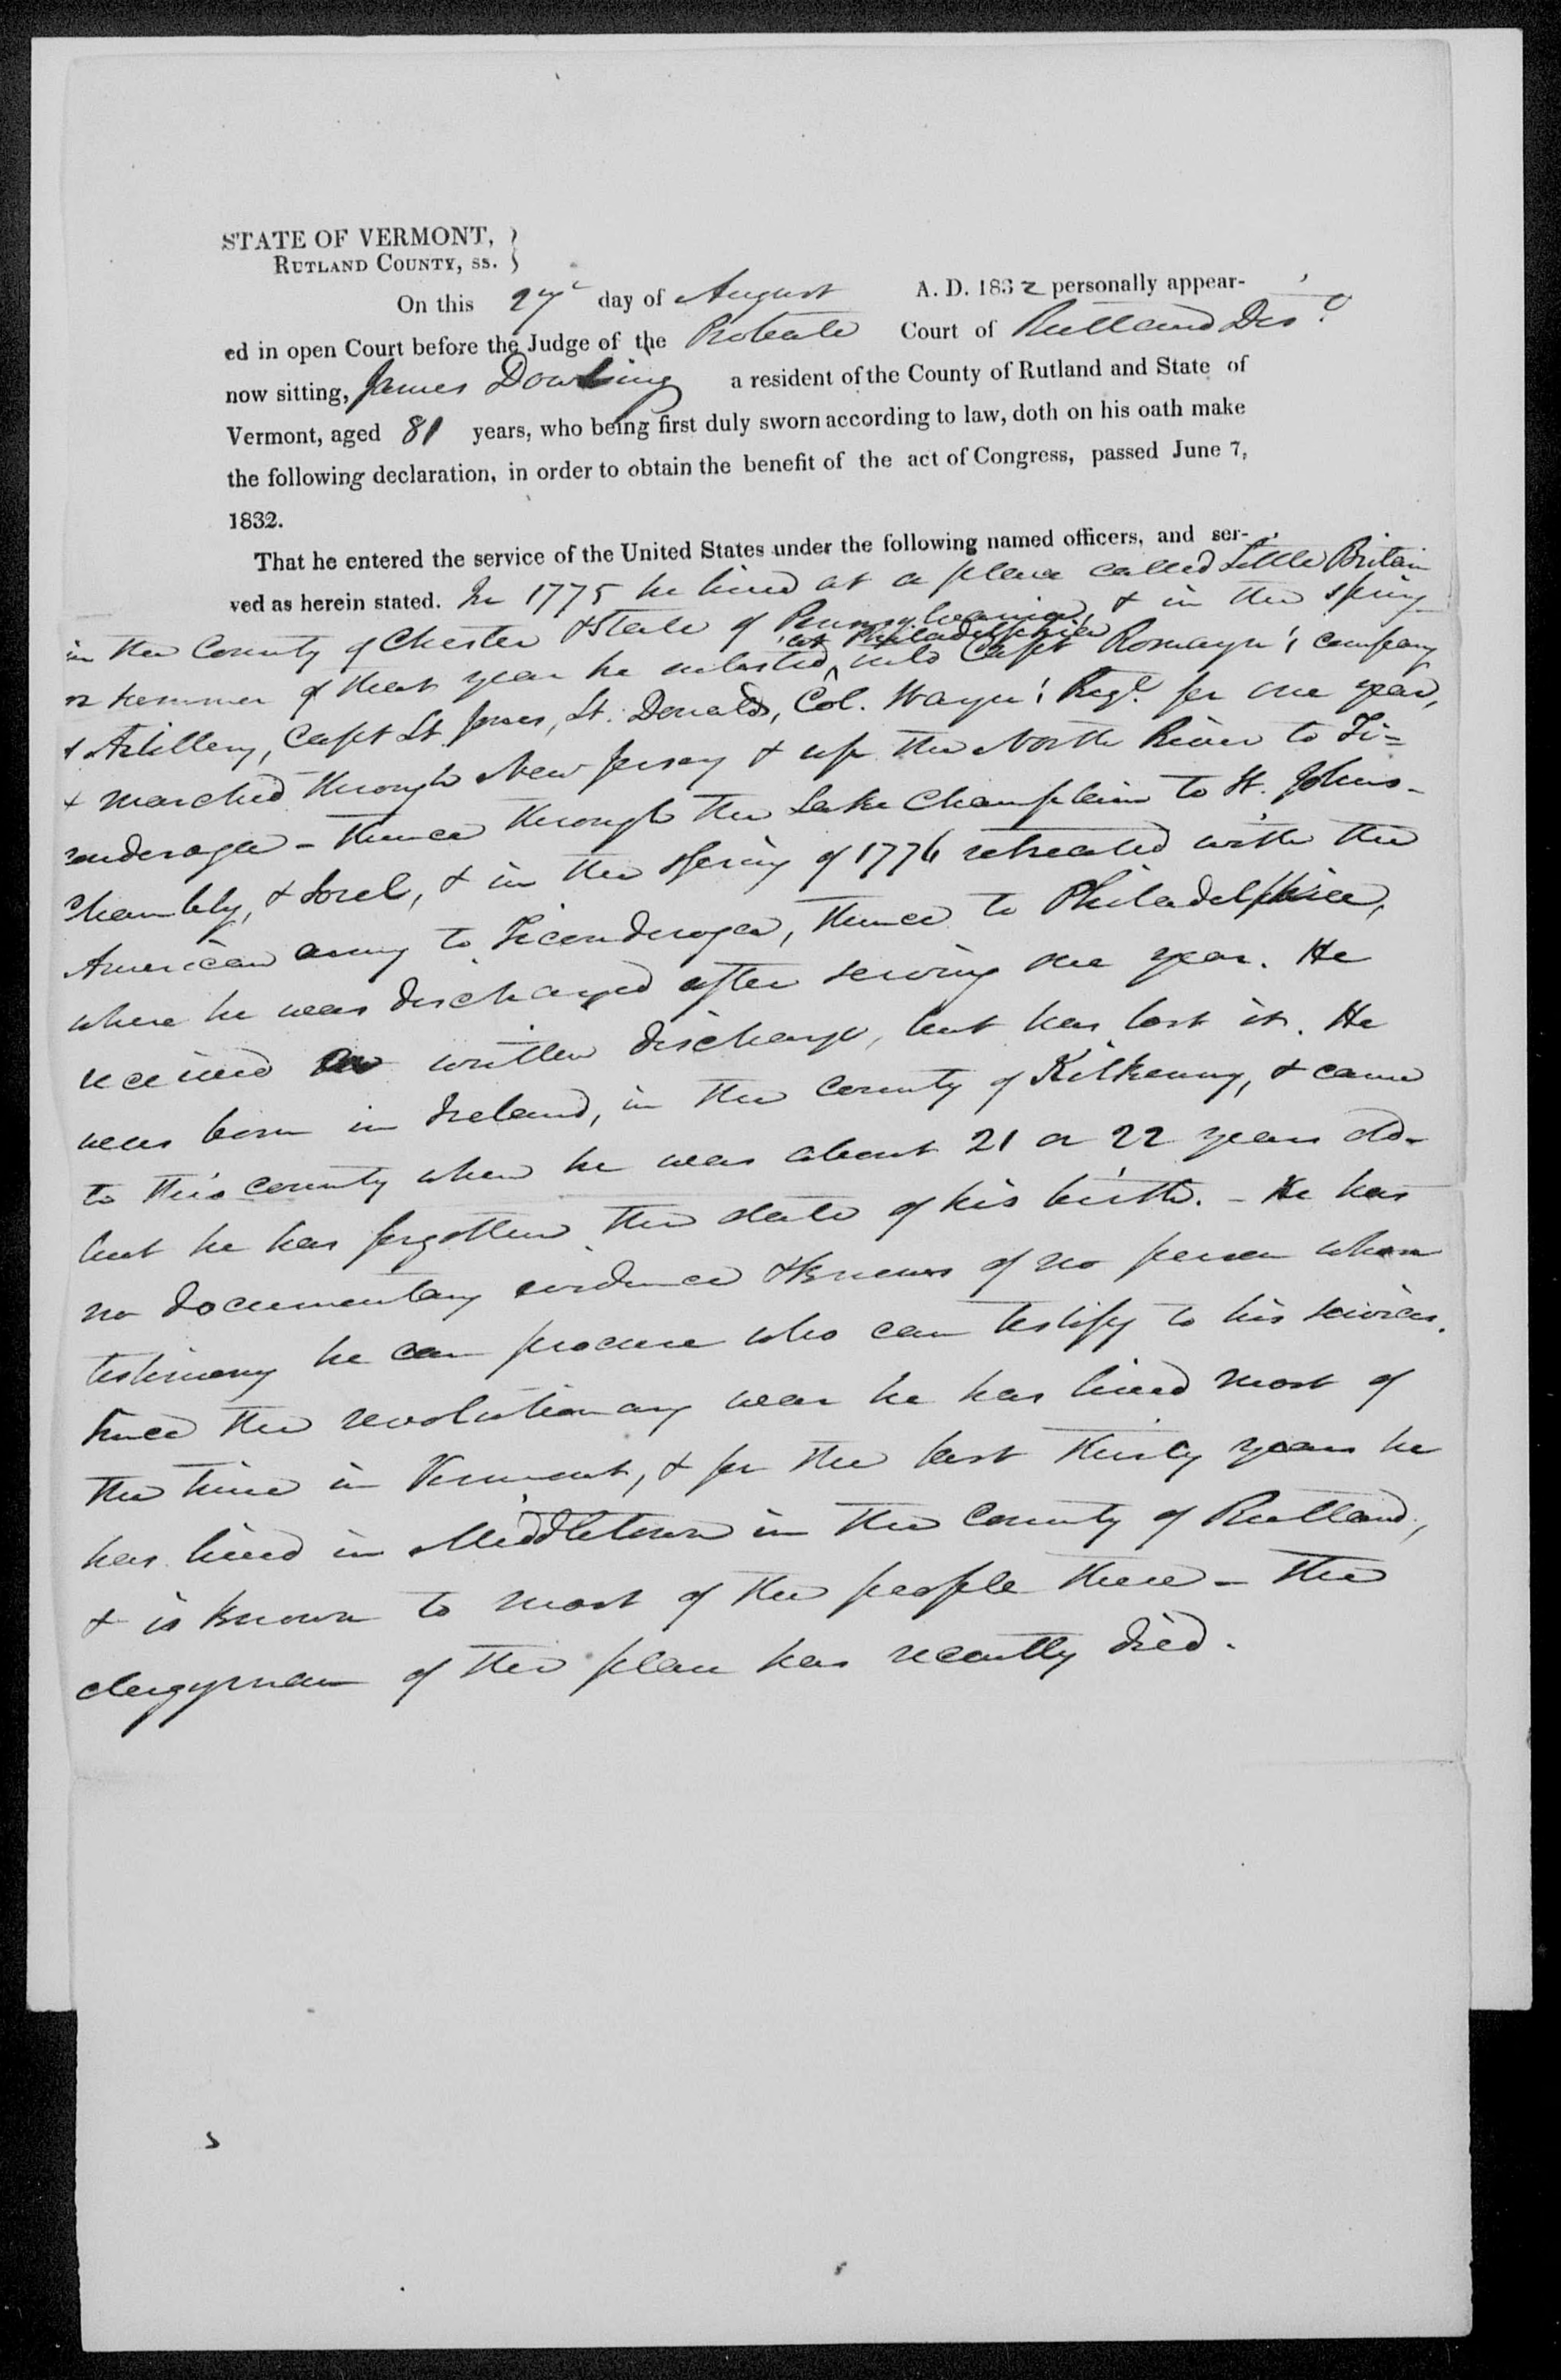STATE OF VERMONT,
RUTLAND COUNTY, SS.
On this 27th day of August A.D. 1832 personally appeared in open Court before the Judge of the Probate Court of Rutland Dist. now sitting, James Dowling a resident of the County of Rutland and State of Vermont, aged 81 years, who being first duly sworn according to law, doth on his oath make the following declaration, in order to obtain the benefit of the act of Congress, passed June 7, 1832.
That he entered the service of the United States under the following named officers, and served as herein stated. In 1775 he lived at a place called Little Britain in the County of Chester State of Pennsylvania & in the spring or summer of that year he enlisted at Philadelphia into Capt Romayne's company of Artillery, Capt. Lt. Jones, Lt. Donald, Col. Wayne: Regt for one year, and marched through New Jersey & up the North River to Ticonderoga, Thence through the Lake Champlain to St. Johns - Ticonderoga- thence through the Lake Champlain - Chambly & Sorel & in the spring of 1776 retreated with the American army to Ticonderoga, thence to Philadelphia, where he was discharged after serving one year. He received a written discharge, but has lost it. He was born in Ireland, in the County of Kilkenny & came to this country when he was about 21 or 22 years old, but he has forgotten the date of his birth.  He has no documentary evidence & knows of no person whose testimony he can procure who can testify to his services; since the revolutionary war he has lived most of his time in Vermont, & for the last thirty years he has lived in Middletown in this county of Rutland, & is known to most of the people there--the clergyman of this place has recently died.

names: James Dowling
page: 4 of 17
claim: survivor's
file: S. 10575, James Dowling, Penn.